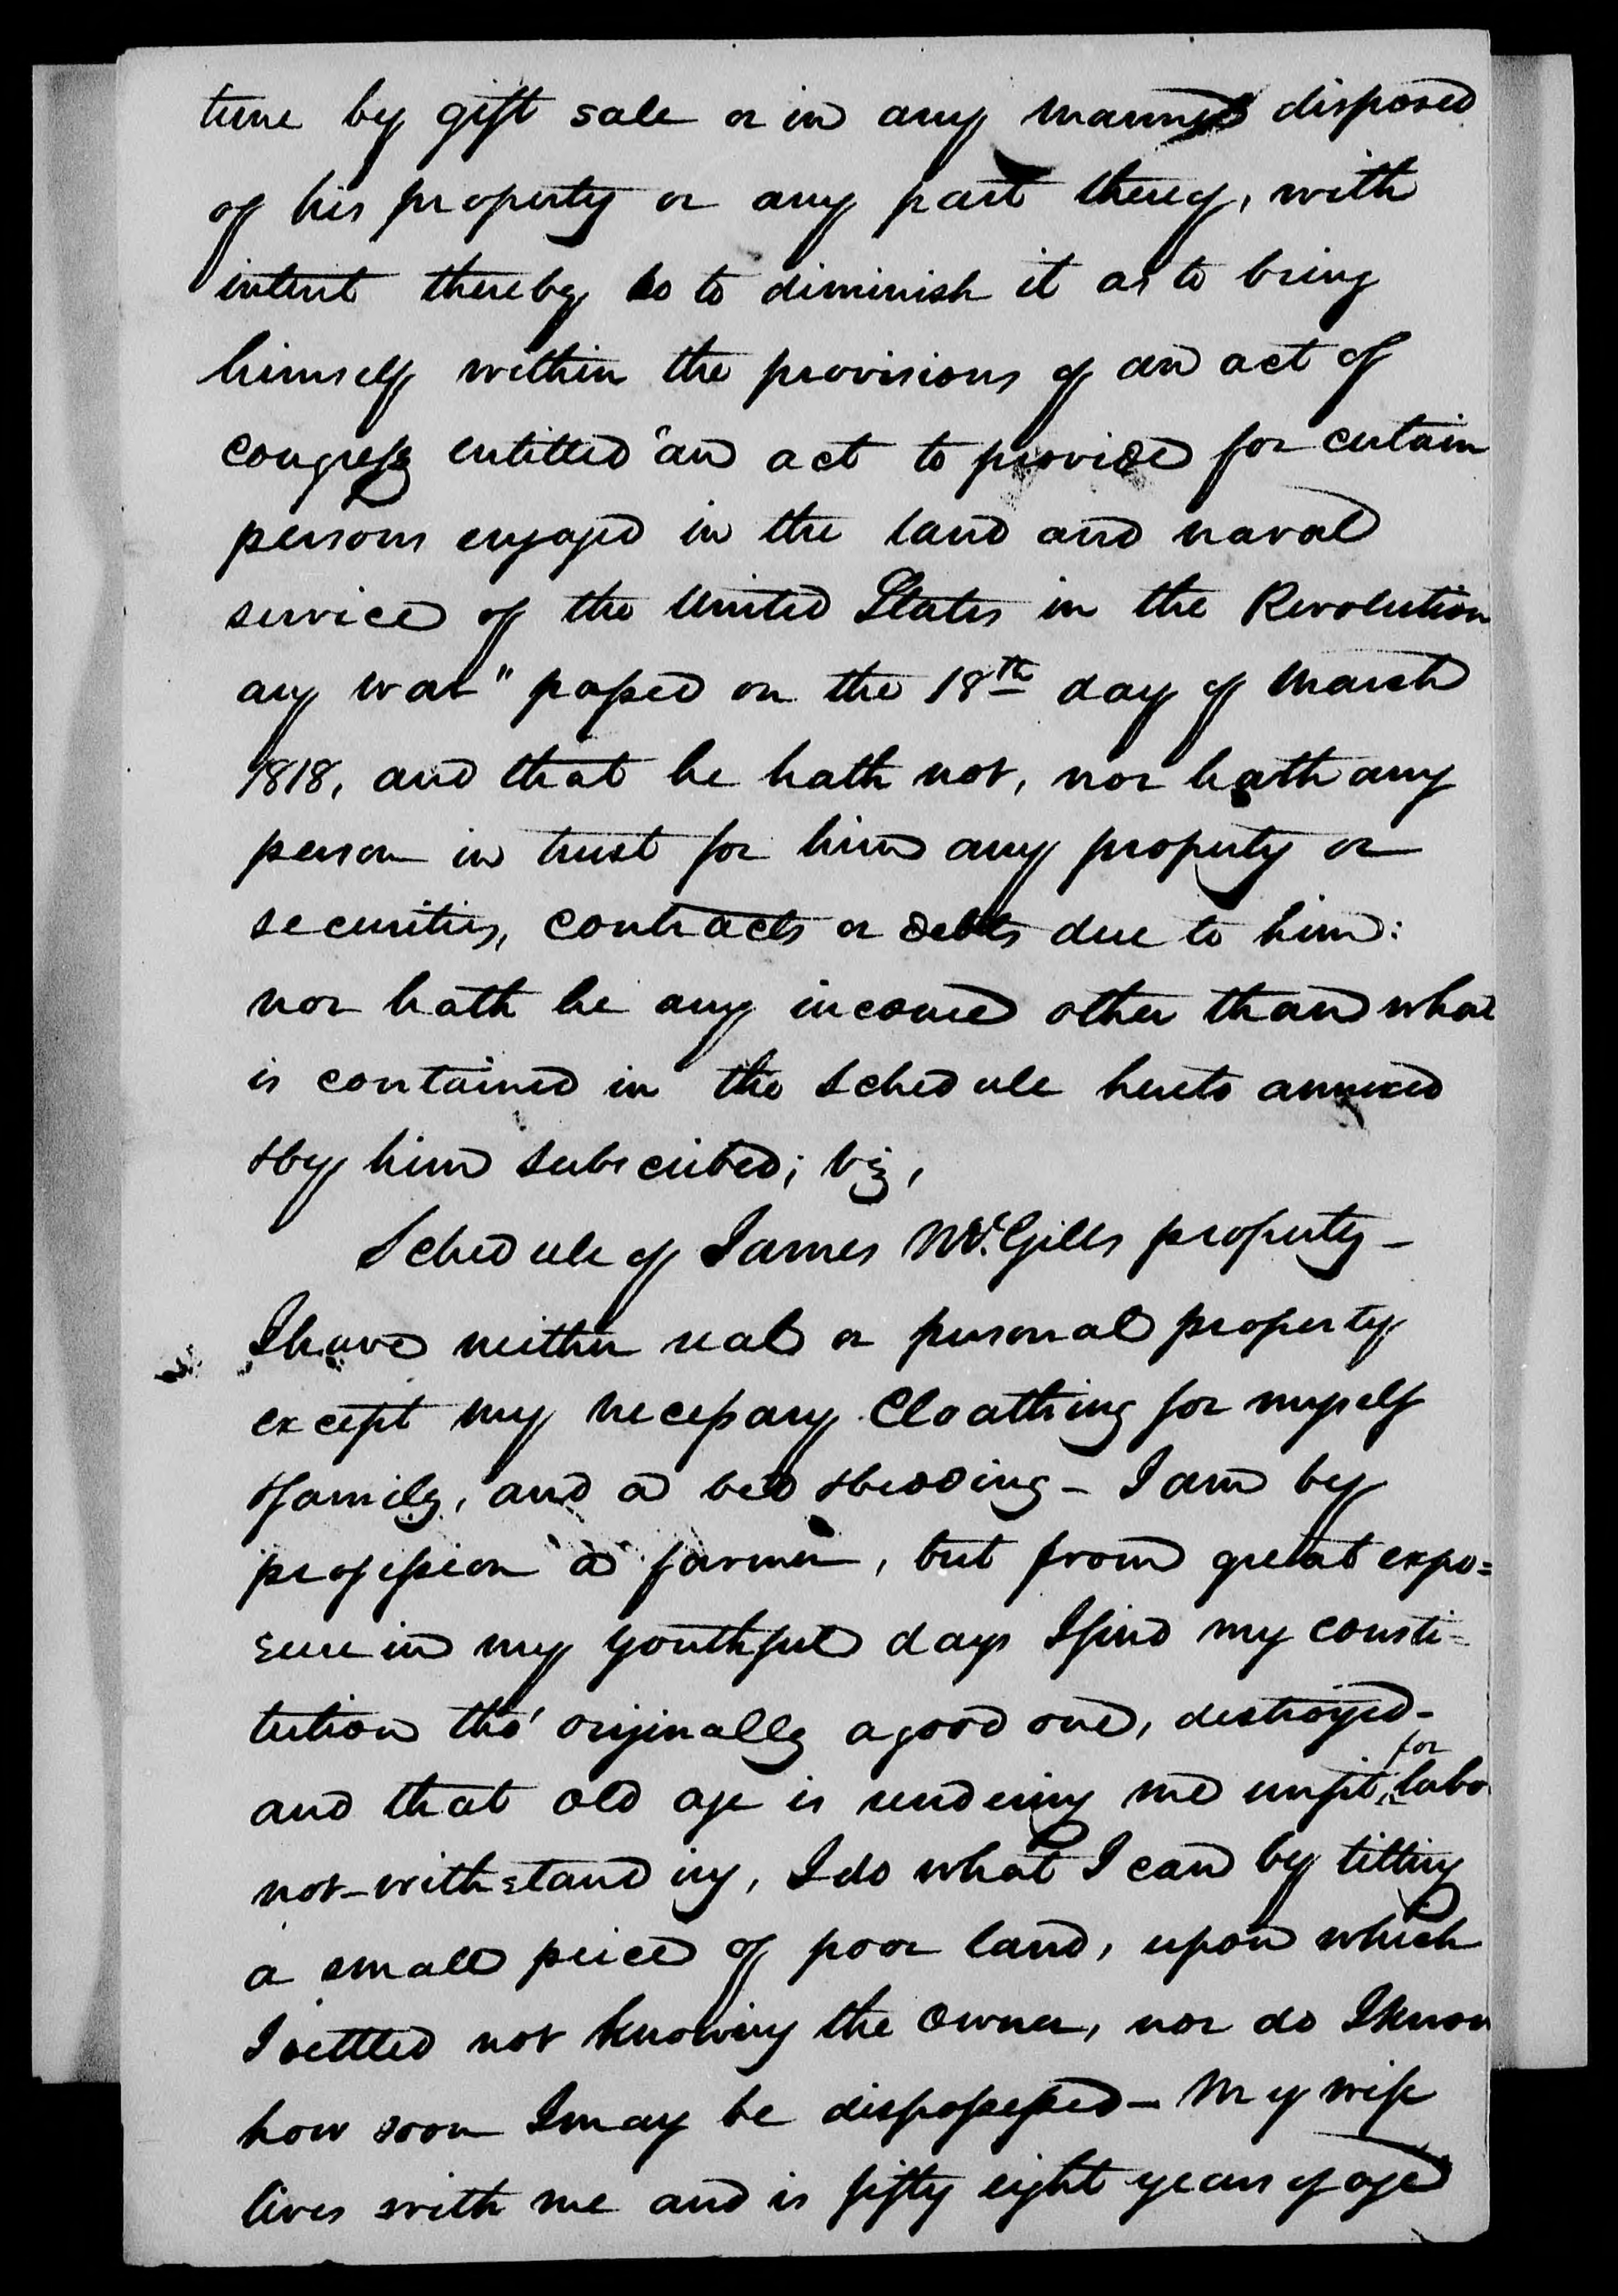image 65  (# 4160873_00065)         
Fold3 File #23857232
[continued from image 64]

time by gift sale or in any manner disposed of his property or any part thereof, with intent thereby so to diminish it as to bring himself within the provision of an act of Congress entitled " an Act to provide for certain persons engaged in the land and naval service of the United States in the Revolutionary War" paper on the 18th day of March 1818, and that he hath not, nor hath any person in trust for him any property or securities, contracts or debts due to him; nor hath he any income other than what is contained in the Schedule hereto annexed by him subscribed; viz,
	Schedule of James McGill's property-- I have neither real or personal property except my necessary cloathing [clothing] for myself and family, and a bed and bedding. I am by profession a farmer, but from great exposure in my youthful days I find my constitution tho' [though] originally a good one, destroyed - and that old age is rendering me unfit for labor, notwithstanding, I do what I can by tilling a small piece of poor land, upon which I settled not knowing the owner, nor do I know how soon I may be dispossessed --my wife lives with me and is fifty-eight years of age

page: 8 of 71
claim: widow's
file: W. 8428, for James Mc Gill, Pennsylvania